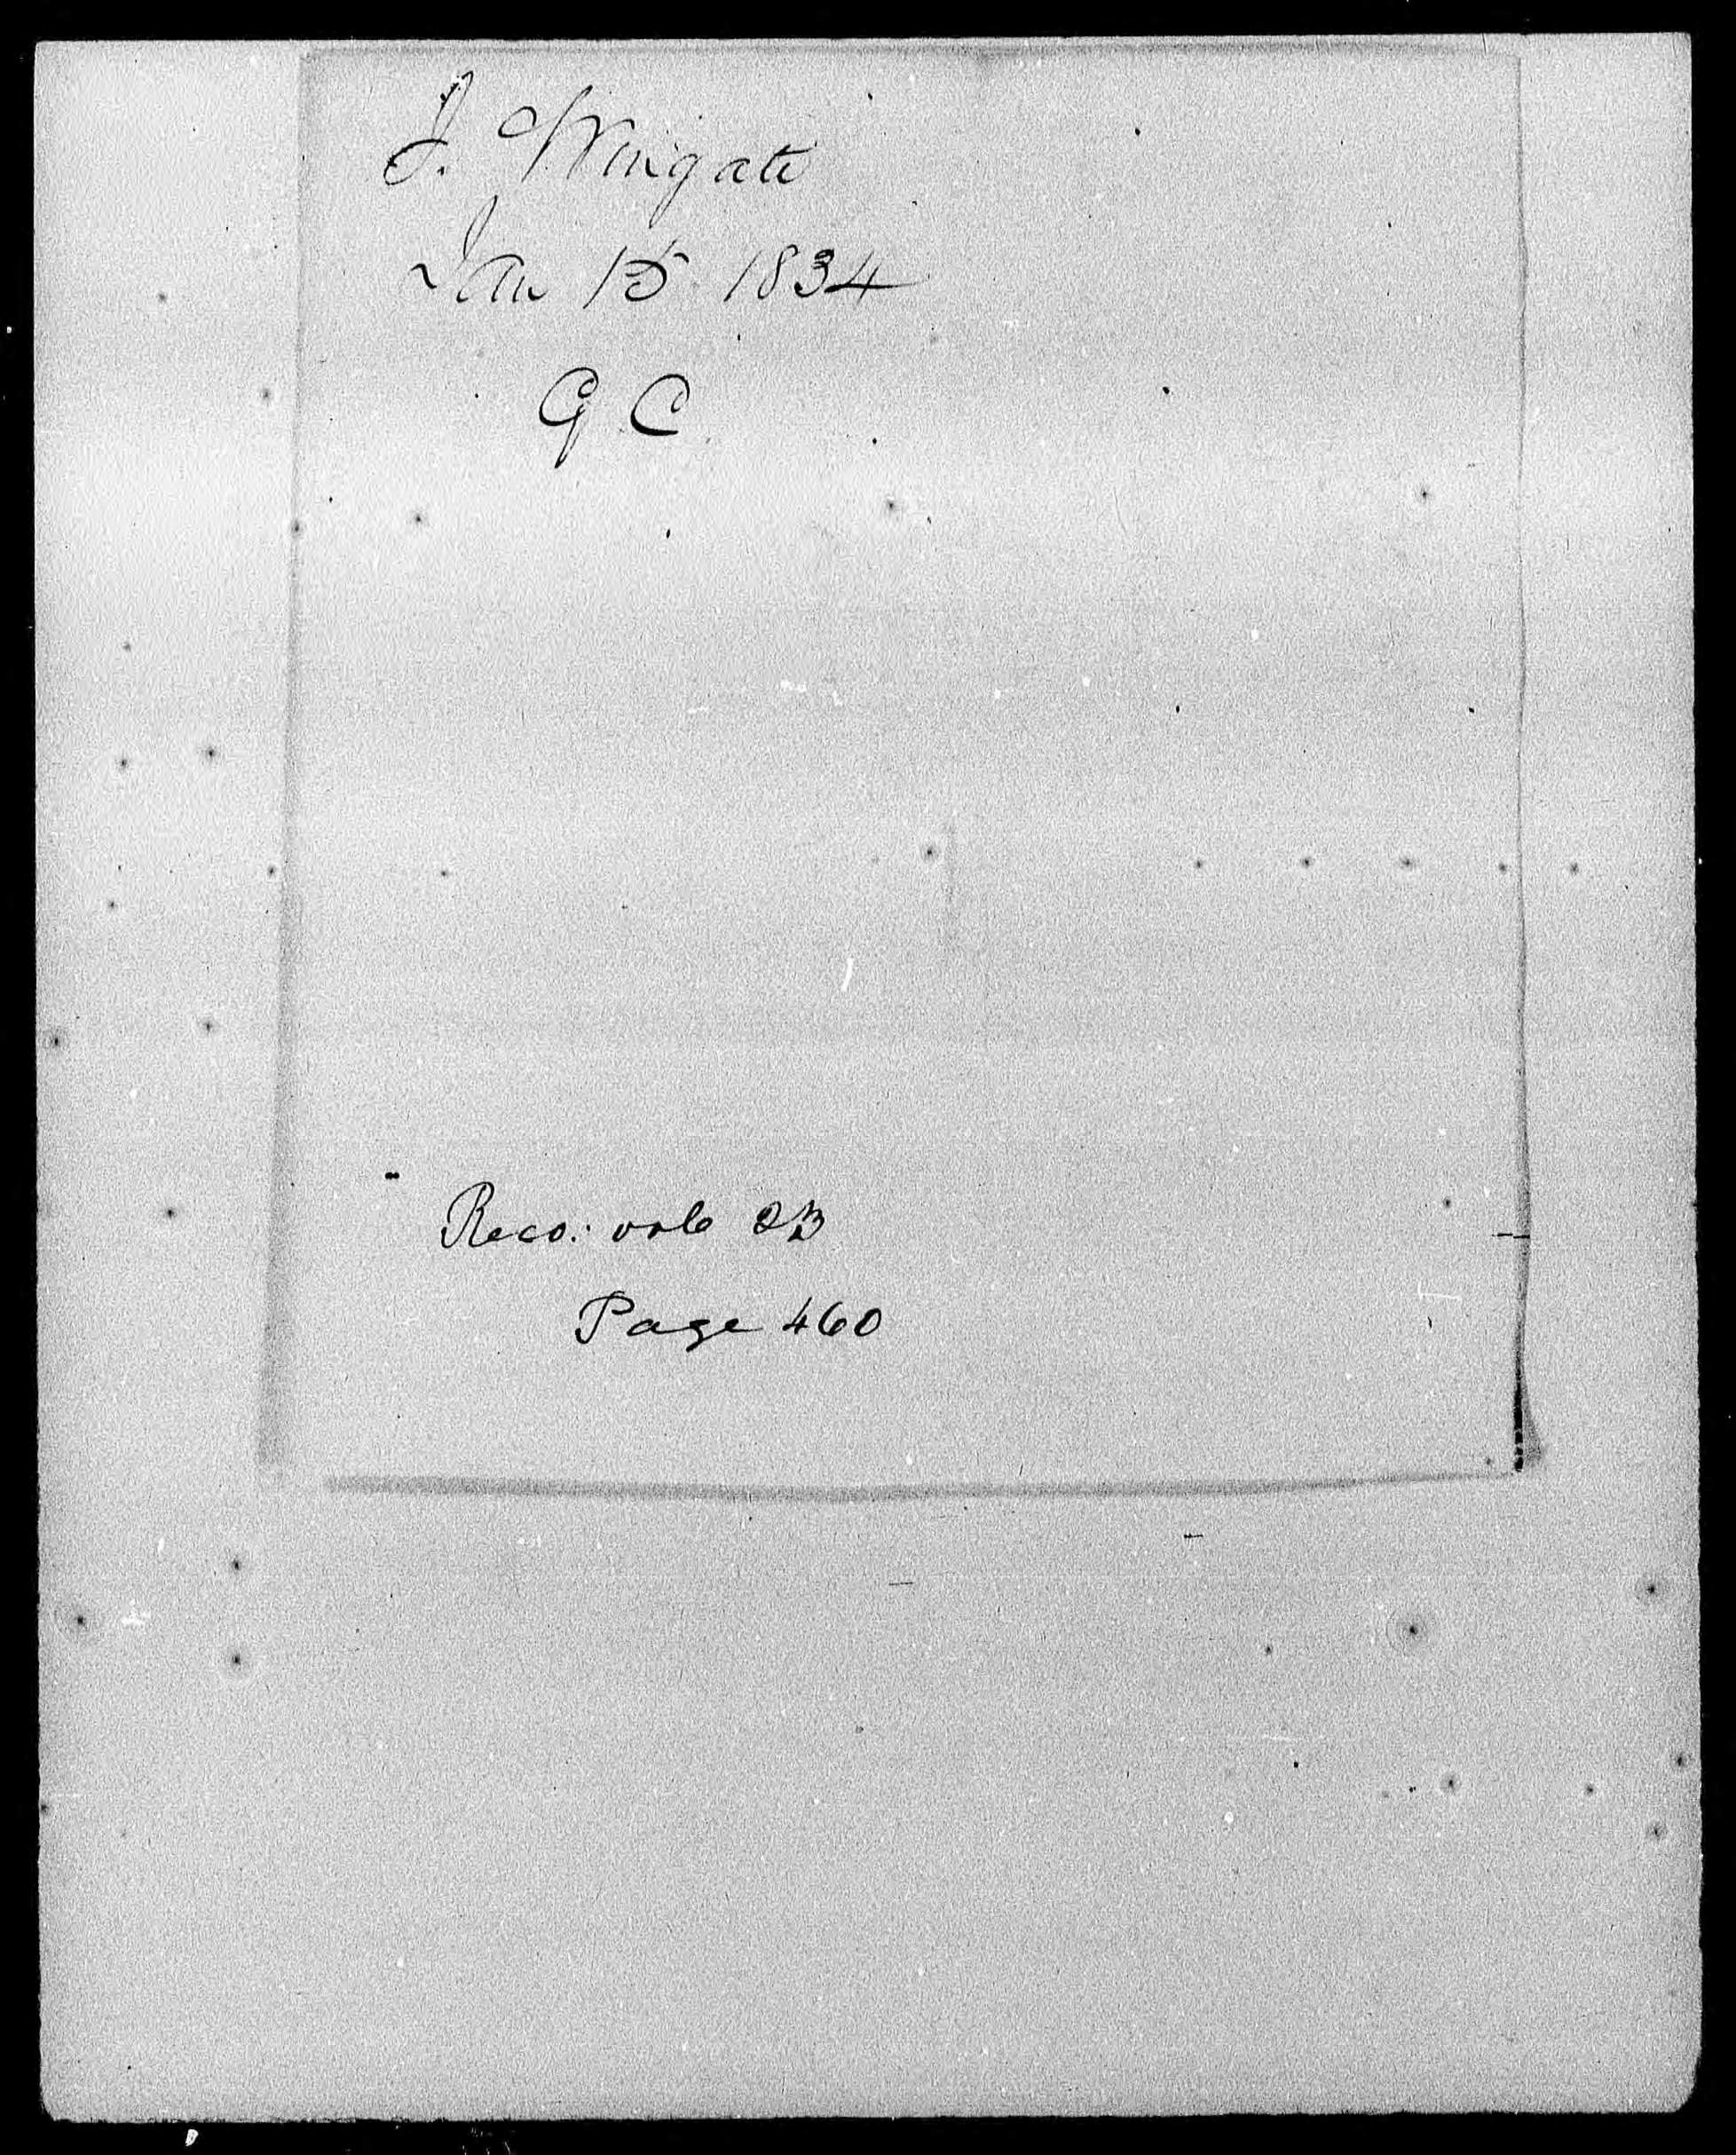J. Margate Jan 15 1834
qc
(illegible) 23 
page 460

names: J Wingate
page: 42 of 52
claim: survivor's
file: S 17997, Nicholas Hawwawas, Mass.